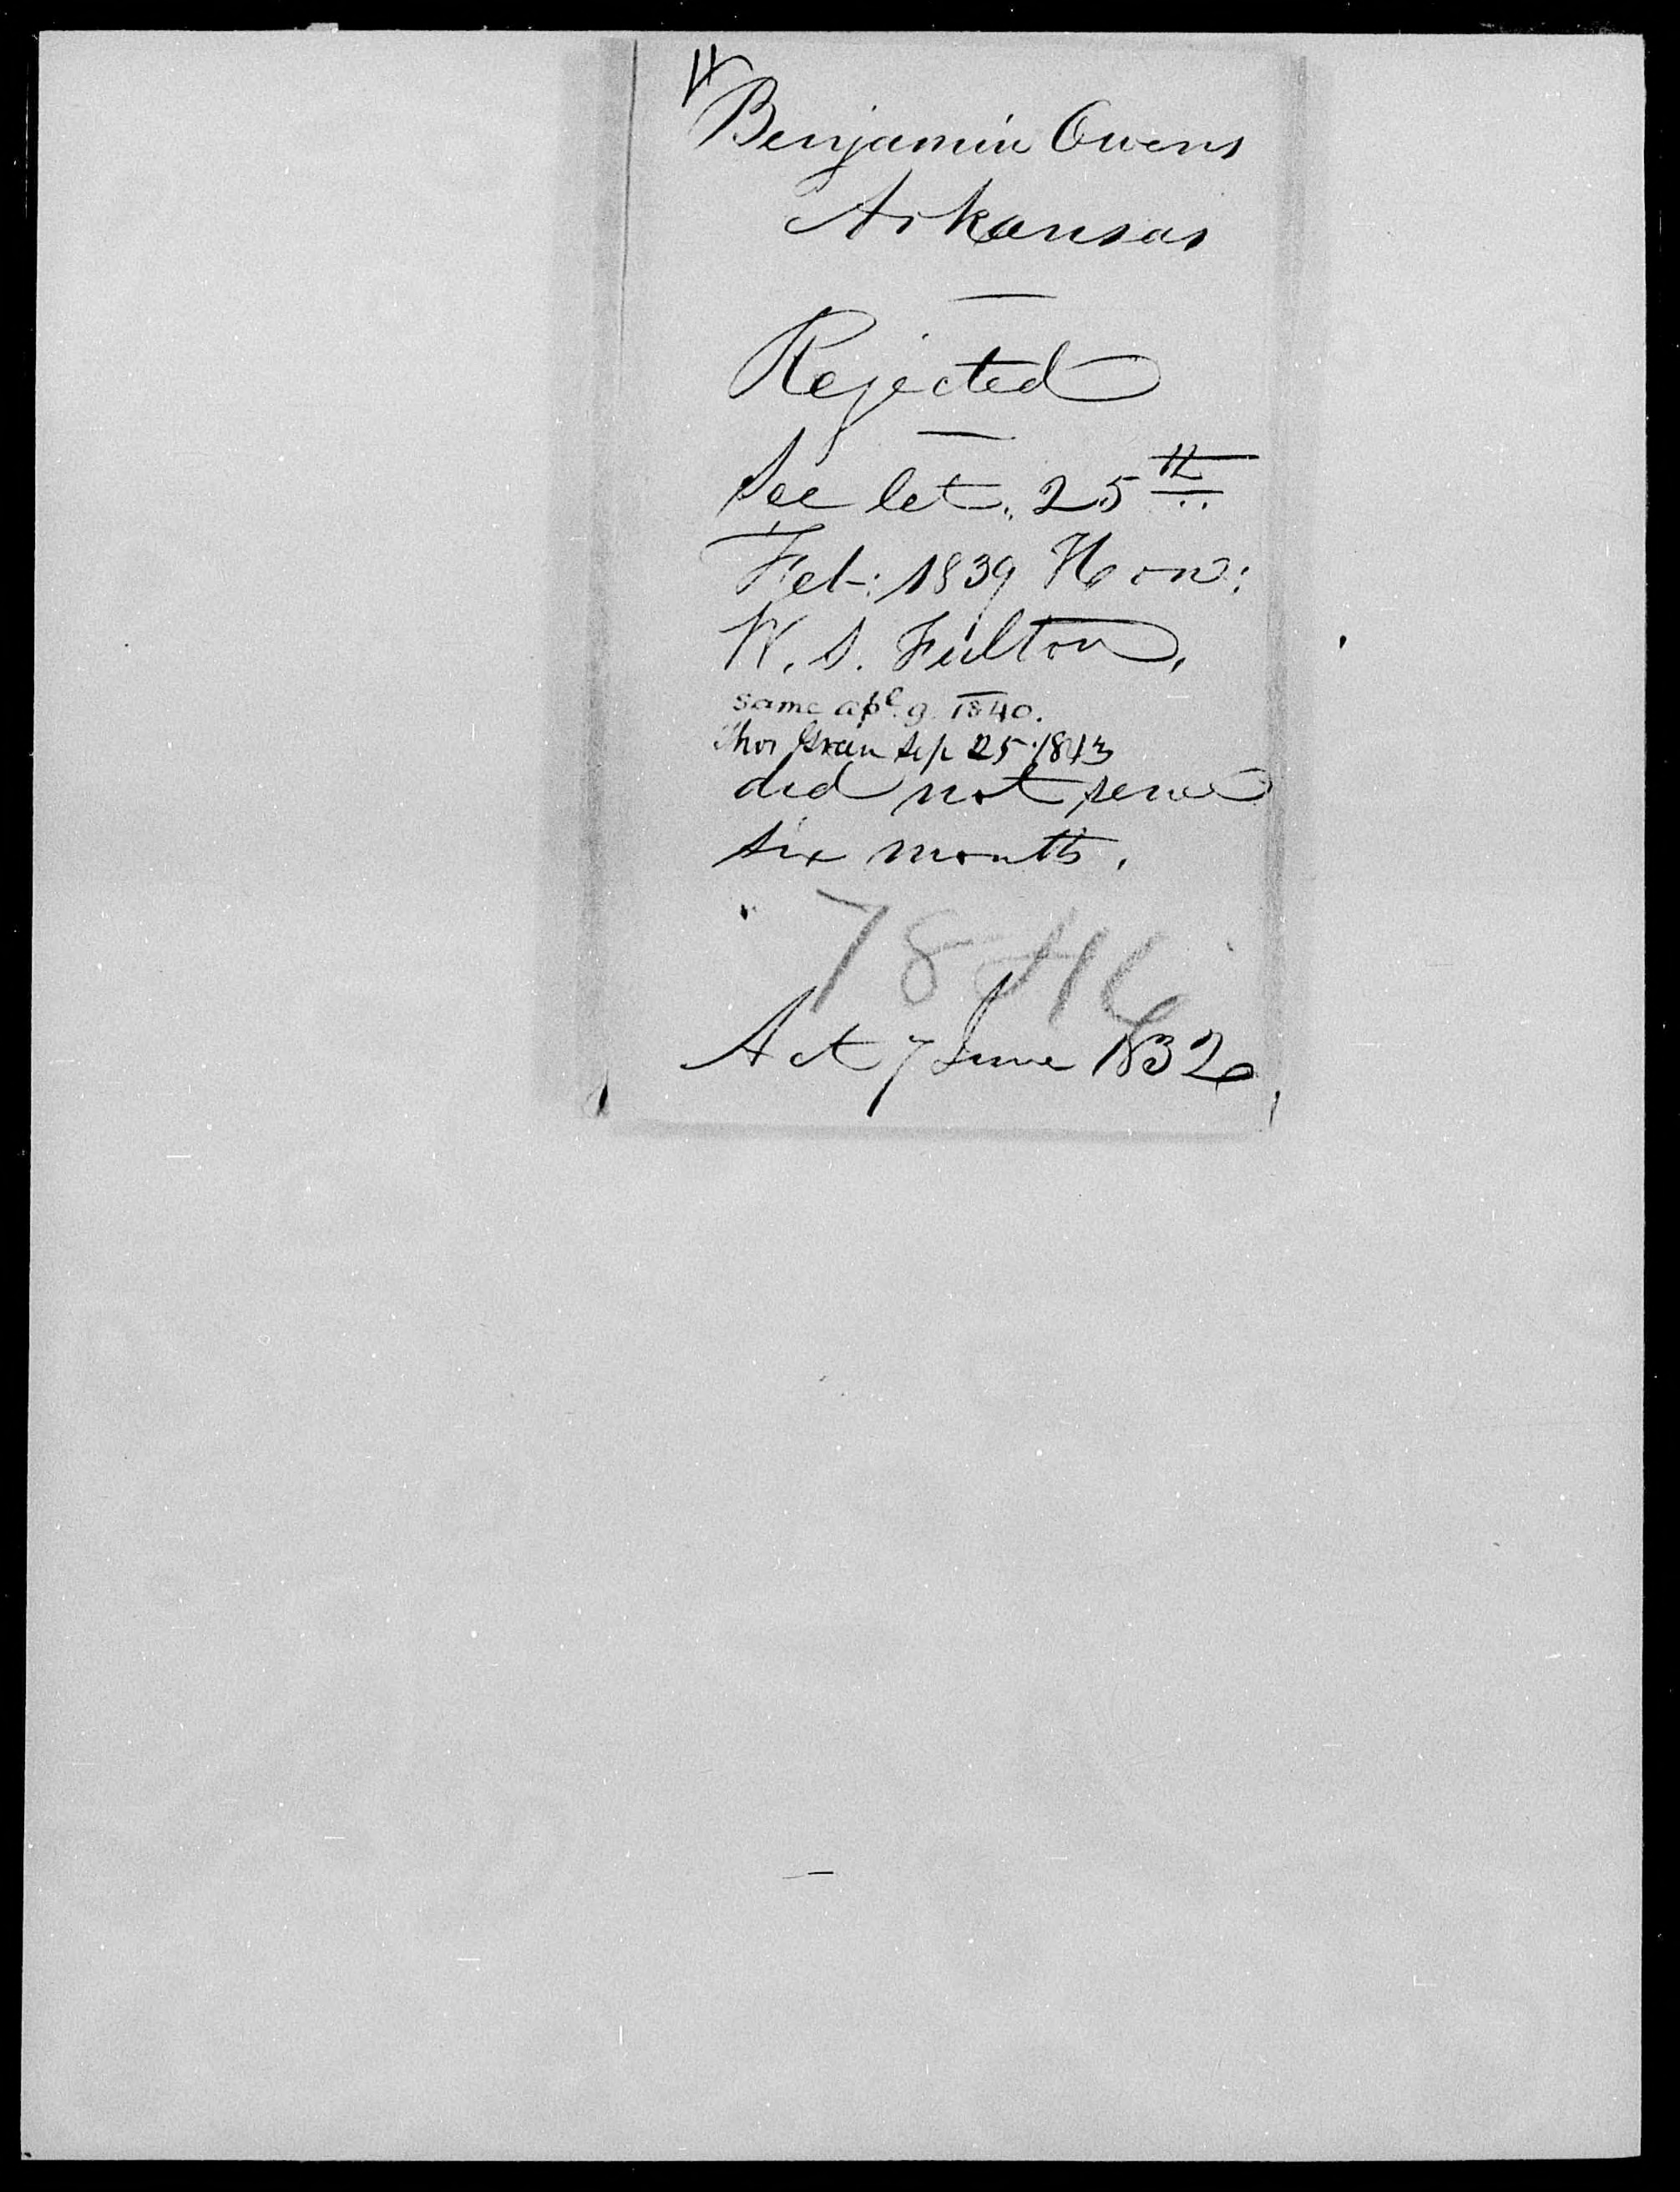4
Benjamin Owens
Arkansas
Rejected
See let. 25th
Feb: 1839 Hon: W. S. Fulton
same Apl 9. 1840.
did not serve
six months.
7846
Act 7 June 1832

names: Benjamin Owens; W S Fulton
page: 14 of 28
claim: rejected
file: R. 7846, for Benjamin Owens, South Carolina